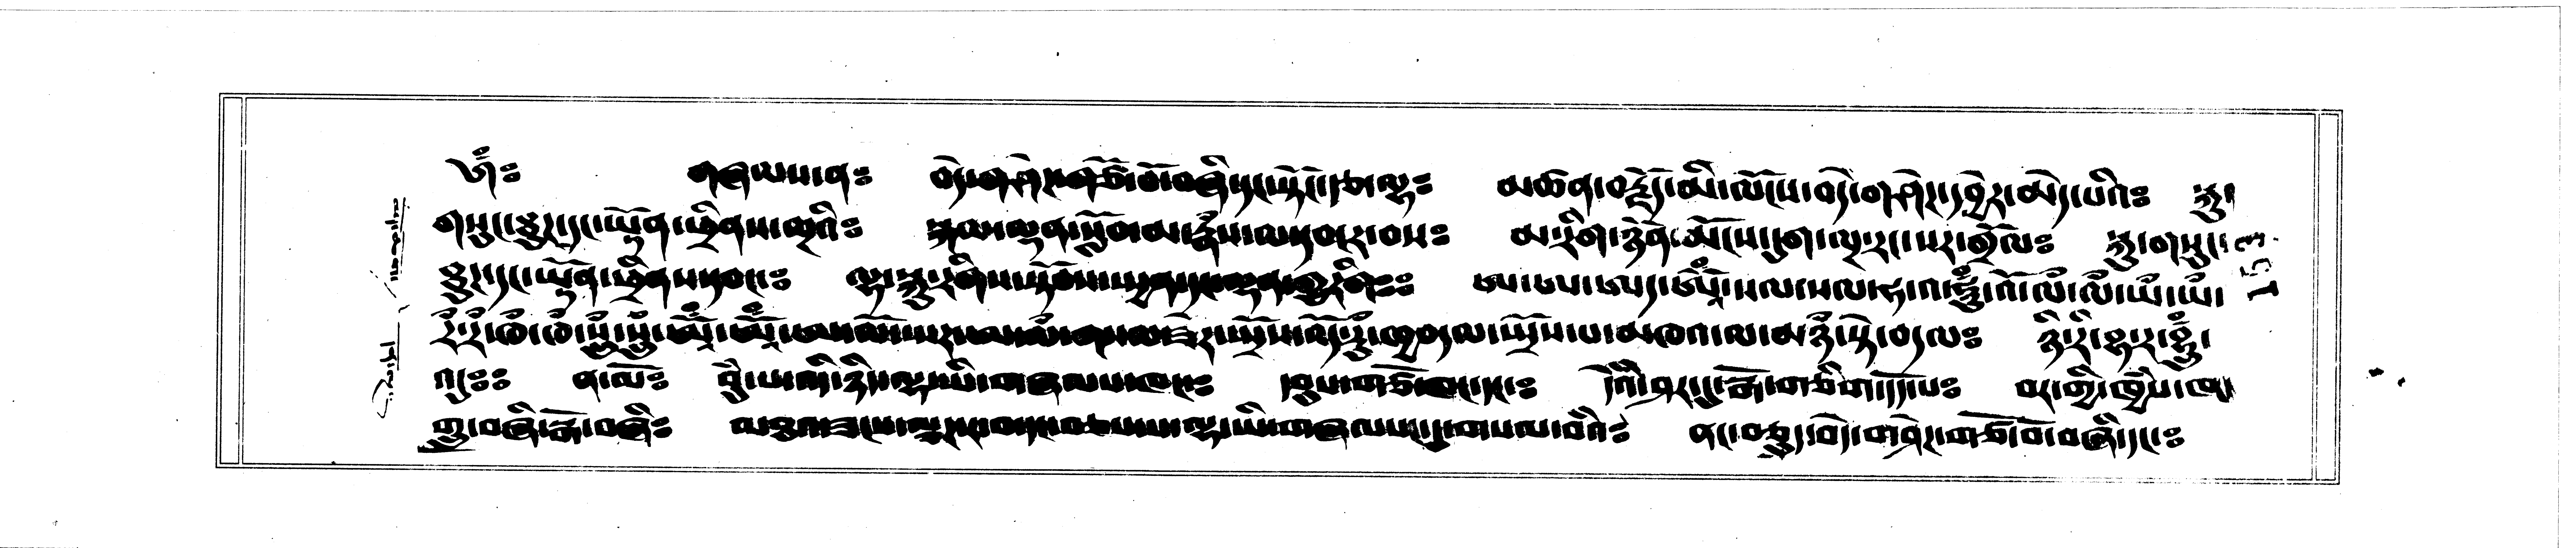གཞལ་ཡས་ནཿ བདེར་གཤེགས་གཙོ་བོ་བཞི་དང་སྟོང་རྩ་ལྷཿ མཚན་བརྗོད་མི་ལོངས་བདེར་གཤེགས་དབྱེར་མེད་པའིཿ སྐུ་
གསུང་ཐུགས་དང་ཡོན་ཏན་ཕྲིན་ལས་ལྔའིཿ སྐལ་ལྡན་སློབ་མ་རྣམས་ལ་དབང་སྐུར་བསཿ མ་རིག་ཉོན་མོངས་དུག་ལྔ་རང་སར་གྲོལཿ སྐུ་གསུང་
ཐུགས་དང་ཡོན་ཏན་ཕྲིན་ལས་དབངཿ ལྷ་སྐུ་རིག་སྟོབས་སྤྱན་དང་ལྡན་གྱུར་ཅིགཿ ཨ་ཨ་ཨད་ཨཱོྃ་སལ་སལ་ཧ་འ་ཧཱུྃ་འོ་ལྃ་ལྃ་ཡཾ་ཡཾ་
རྃ་རྃ་ཁཾ་ཁཾ་སྲུྃ་སྲུྃ་ཨཱོྃ་ཨཱོྃ་ཨ་ལོ་སྤར་ཨ་ལམ་གསལ་ཟེར་སྤྲོས་འོད་རུམ་ཁྱབ་བདལ་སྤྲོས་པ་མཁའ་ལ་མཉམ་སྟེ་བདལ་བདལཿ ཉི་རི་བྷ་ར་བྷྲུཾ་
འདུཿ ན་མོ་བུམ་པ་འདི་ནི་ལྷ་ཡི་གཞལ་ཡས་ཁངཿ དབུས་གཙོ་ཁང་དངཿ དེའི་ཤར་དུ་སྒོ་གཅིག་དོད་པཿ བར་གྱི་ཁྱམས་ཁང་
གྲུ་བཞི་སྒོ་བཞིཿ མཐའ་ཟངས་ལྕགས་རྭ་བ་དང་བཅས་པ་ལྷ་ཡི་གཞལ་ཡས་ཁང་དུ་གསལ་བའིཿ ནང་བཅུད་བདེར་གཤེགས་གཙོ་བོ་བཞི་དངཿ